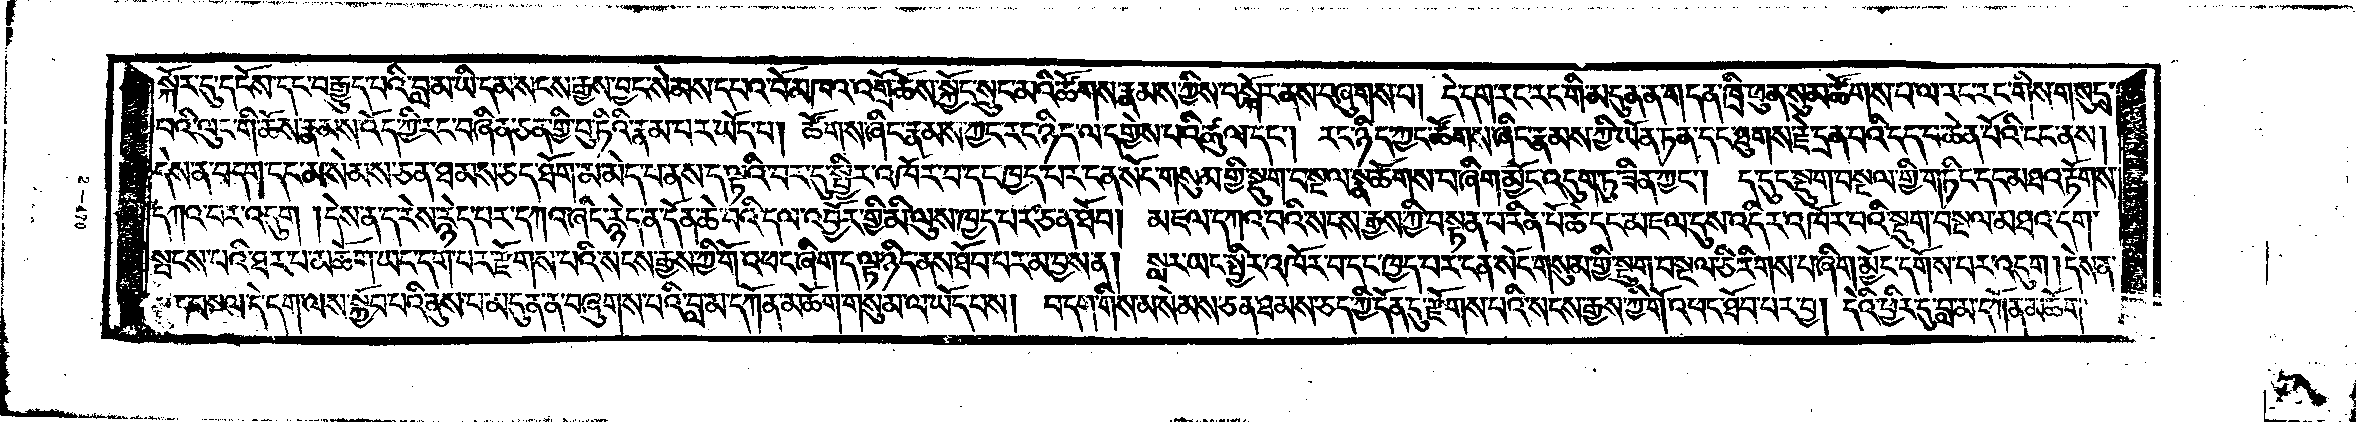སྐོར་དུ་དངོས་དང་བརྒྱུད་པའི་བླ་མ་ཡི་དམ་སངས་རྒྱས་བྱང་སེམས་དཔའ་བོ་མཁའ་འགྲོ་ཆོས་སྐྱོང་སྲུང་མའི་ཚོགས་རྣམས་ཀྱིས་བསྐོར་ནས་བཞུགས་པ། དེ་དག་རང་རང་གི་མདུན་ན་གདན་ཁྲི་ཕུན་སུམ་ཚོགས་པ་ལ་རང་རང་རང་གིས་གསུངས་
བའི་ལུང་གི་ཆོས་རྣམས་འོད་ཀྱི་རང་བཞིན་ཅན་གྱི་བུ་ཏིའི་རྣམ་པར་ཡོད་པ། ཚོགས་ཞིང་རྣམས་ཀྱང་རང་ཉིད་ལ་དགྱེས་པའི་ཚུལ་དང་། རང་ཉིད་ཀྱང་ཚོགས་ཞིང་རྣམས་ཀྱི་ཡོན་ཏན་དང་ཐུགས་རྗེ་དྲན་པའི་དད་པ་ཆེན་པོའི་ངང་ནས།
དེས་ན་བདག་དང་མ་སེམས་ཅན་ཐམས་ཅད་ཐོག་མ་མེད་པ་ནས་ད་ལྟའི་བར་དུ་སྤྱིར་འཁོར་བ་དང་ཁྱད་པར་ངན་སོང་གསུམ་གྱི་སྡུག་བསྔལ་སྣ་ཚོགས་པ་ཞིག་མྱོང་འདུག་ཏུ་ཟིན་ཀྱང་། ད་དུང་སྡུག་བསྔལ་གྱི་གཏིང་དང་མཐའ་རྟོགས་
དཀའ་བར་འདུག །དེས་ན་ད་རེས་རྙེད་པར་དཀའ་ཞིང་རྙེད་ན་དོན་ཆེ་བའི་དལ་འབྱོར་གྱི་མི་ལུས་ཁྱད་པར་ཅན་ཐོབ། མཇལ་དཀའ་བའི་སངས་རྒྱས་ཀྱི་བསྟན་པ་རིན་པོ་ཆེ་དང་མཇལ་དུས་འདིར་འཁོར་བའི་སྡུག་བསྔལ་མཐའ་དག་
སྤངས་པའི་ཐར་པ་མཆོག་ཡང་དག་པར་རྫོགས་པའི་སངས་རྒྱས་ཀྱི་གོ་འཕང་ཞིག་ད་ལྟ་ཉིད་ནས་ཐོབ་པར་མ་བྱས་ན། སླར་ཡང་སྤྱིར་འཁོར་པ་དང་ཁྱད་པར་ངན་སོང་གསུམ་གྱི་སྡུག་བསྔལ་ཅི་རིགས་པ་ཞིག་མྱོང་དགོས་པར་འདུག །དེས་ན་
སྡུད་བསལ་དེ་དག་ལས་སྐྱོབ་པའི་ནུས་པ་མདུན་ན་བཞུགས་པ་བླ་མ་དཀོན་མཆོག་གསུམ་ལ་ཡོད་པས། བདག་གིས་མ་སེམས་ཅན་ཐམས་ཅད་ཀྱི་དོན་དུ་རྫོགས་པའི་སངས་རྒྱས་ཀྱི་གོ་འཕང་ཐོབ་པར་བྱ། དེའི་ཕྱིར་དུ་བླ་མ་དཀོན་མཆོག་